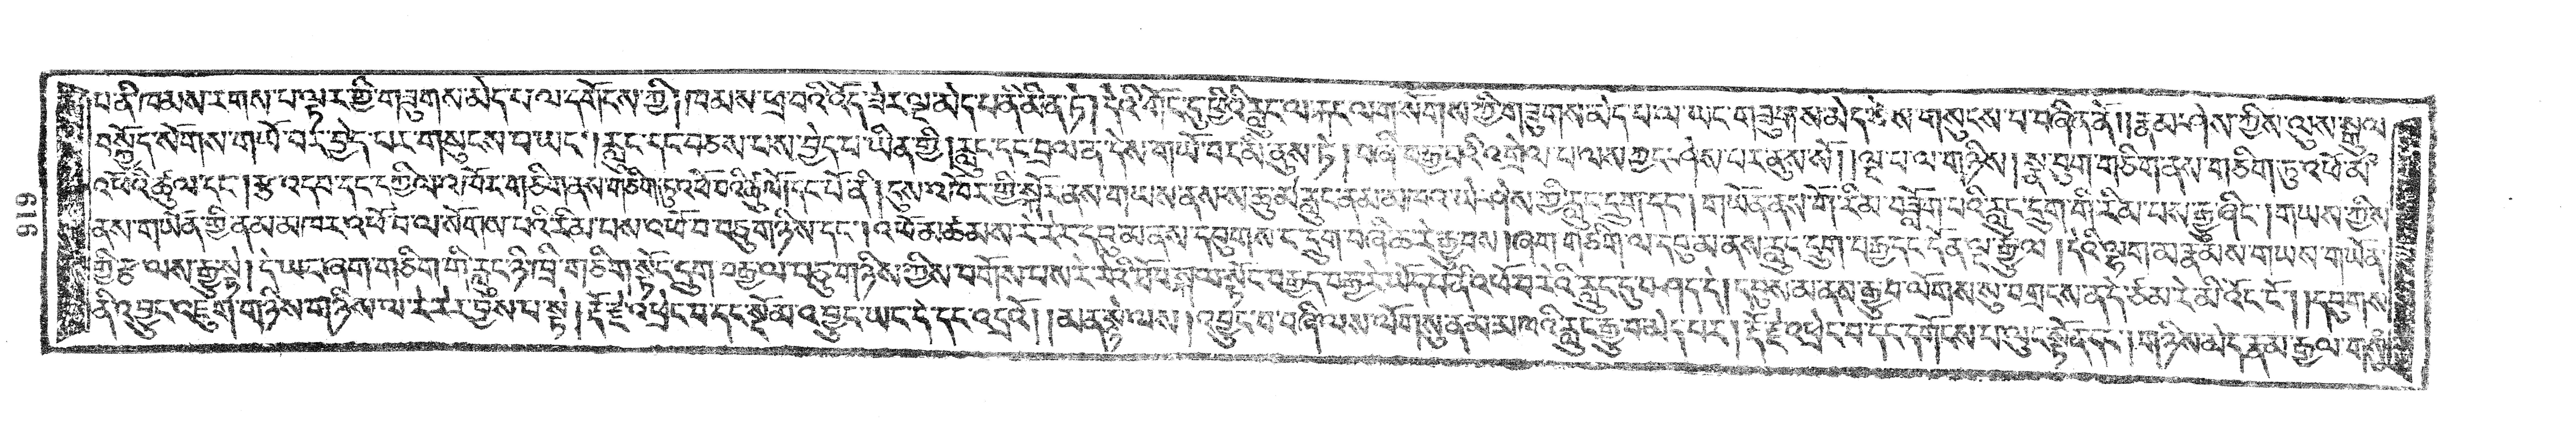པ་ནི་ཁམས་རགས་པ་ལྟར་གྱི་གཟུགས་མེད་པ་ལ་དགོངས་ཀྱི། ཁམས་ཕྲ་བའི་འོད་ཟེར་ལྔ་མེད་པ་ནི་མིན་ཏེ། དེའི་གོང་དུ་ཕྱིའི་རླུང་ལ་རྐང་ལག་སོགས་ཀྱི་གཟུགས་མེད་པ་ལ་ཡང་གཟུགས་མེད་ཅེས་གསུངས་པ་བཞིན་ནོ། །རྣམ་ཤེས་ཀྱིས་ལུས་སྒུལ་
བསྐྱོད་སོགས་གཡོ་བར་བྱེད་པར་གསུངས་པ་ཡང་། རླུང་དང་བཅས་པས་བྱེད་པ་ཡིན་གྱི། རླུང་དང་བྲལ་ན་དེས་གཡོ་བར་མི་ནུས་ཏེ། བཞི་བརྒྱ་པའི་འགྲེལ་པ་ལས་ཀྱང་ཤེས་པར་ནུས་སོ། །ལྔ་པ་ལ་གཉིས། སྣ་བུག་གཅིག་ནས་གཅིག་ཏུ་འཕོ་མི་
འཕོའི་ཚུལ་དང་། རྩ་འདབ་དང་དཀྱིལ་འཁོར་གཅིག་ནས་གཅིག་ཏུ་འཕོ་བའི་ཚུལ་ལོ། དང་པོ་ནི། དུས་འཁོར་གྱི་སྐོར་ནས་གཡས་ནས་ས་ཆུ་མེ་རླུང་ནམ་མཁའ་ཡེ་ཤེས་ཀྱི་རླུང་དྲུག་དང་། གཡོན་ནས་གོ་རིམ་བཟློག་པའི་རླུང་དྲུག་གི་རིམ་པས་རྒྱུ་ཞིང་།གཡས་ཀྱིས་
ནས་གཡོན་གྱི་ནམ་མཁར་འཕོ་བ་ལ་སོགས་པའི་རིམ་པས་འཕོ་བ་བཅུ་གཉིས་དང་། འཕོ་མཚམས་རེ་རེར་དབུ་མ་ནས་དབུགས་ང་དྲུག་བཞི་ཆ་རེ་རྒྱུ་བས། ཞག་གཅིག་ལ་དབུ་མ་ནས་རླུང་དྲུག་བརྒྱ་དང་དོན་ལྔ་རྒྱུ་ལ། དེའི་ལྷག་མ་རྣམས་གཡས་གཡོན་
གྱི་རྩ་ལས་རྒྱུ་སྟེ། དེ་ཡང་ཞག་གཅིག་གི་རླུང་ཉི་ཁྲི་གཅིག་སྟོང་དྲུག་བརྒྱ་ལ་བཅུ་གཉིས་ཀྱིས་བགོས་པས་རེ་རེའི་ཐོབ་སྐལ་སྟོང་བརྒྱད་བརྒྱ་རེ་ཡོད་པ་ནི་འཕོ་བ་རེའི་རླུང་དུ་བཤད་དེ། དབུས་མ་ནས་རྒྱུ་བ་ལོགས་སུ་བགྲངས་ན་དེ་ཙམ་རེ་མི་འོང་ངོ། །དབུགས་
ནི་འབྱུང་འཇུག་གཉིས་གཉིས་ལ་རེ་རེར་བྱས་པ་སྟེ། རྡོ་རྗེ་འཕྲེང་བ་དང་སྡོམ་འབྱུང་ཡང་དེ་དང་འདྲའོ། །མན་སྙེ་ལས། འབྱུང་བ་བཞི་ལས་ལོགས་སུ་ནམ་མཁའི་རླུང་རྒྱུ་བ་མེད་པར། རྡོ་རྗེ་འཕྲེང་བ་དང་དགོངས་པ་ལུང་སྟོན་དང་། གཉིས་མེད་རྣམ་རྒྱལ་གསུམ་